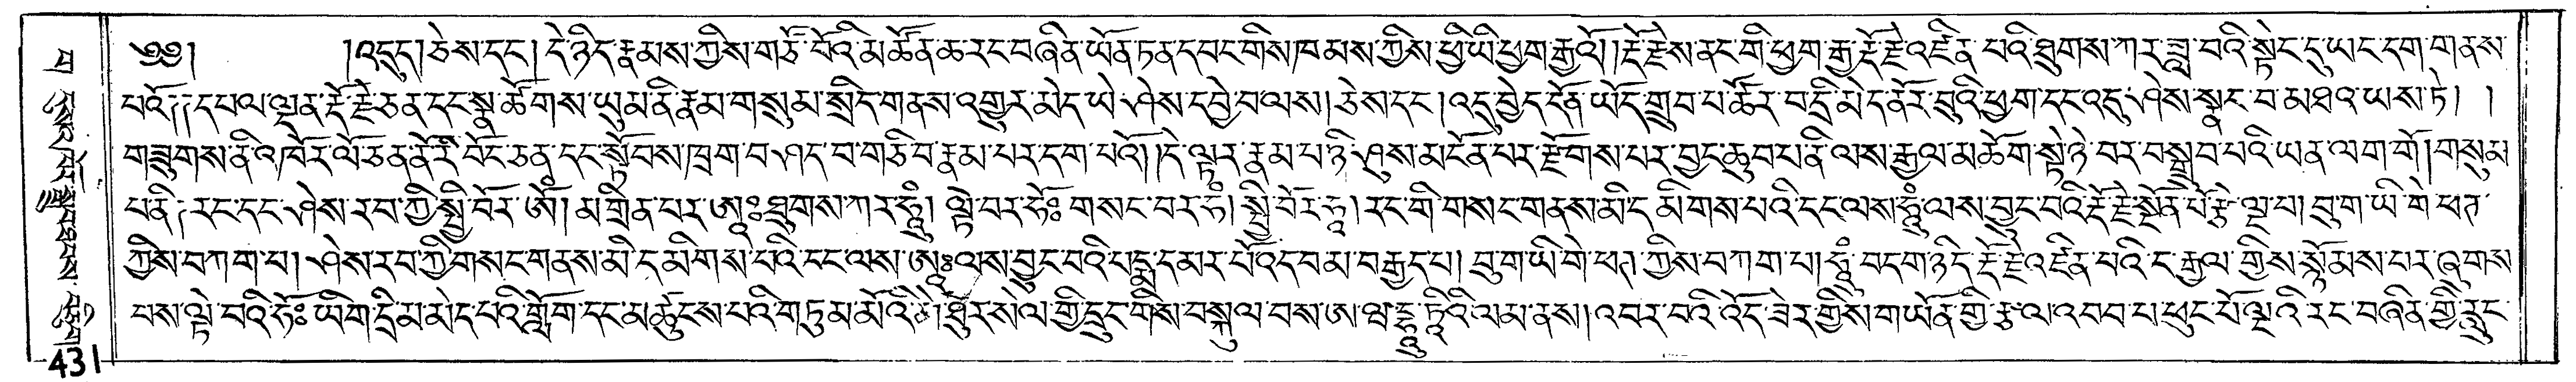༄༅། །འདུད། ཅེས་དང་། དེ་ཉིད་རྣམས་ཀྱིས་གཙོ་བོའི་མཚོན་ཆ་རང་བཞིན་ཡོན་ཏན་དབང་གིས་ཁམས་ཀྱིས་ཕྱི་ཡི་ཕྱག་རྒྱའོ། །རྡོ་རྗེས་ནང་གི་ཕྱག་རྒྱ་རྡོ་རྗེ་འཛིན་པའི་ཐུགས་ཀར་ཟླ་བའི་སྟེང་དུ་ཡང་དག་གནས་
པའོ༑ ༑དཔལ་ལྡན་རྡོ་རྗེ་ཅན་དང་སྣ་ཚོགས་ཡུམ་ནི་རྣམ་གསུམ་སྲིད་གནས་འགྱུར་མེད་ཡེ་ཤེས་དབྱེ་བ་ལས། ཅེས་དང་། འདུ་བྱེད་དོན་ཡོད་གྲུབ་པ་ཚོར་བ་དྲི་མེད་ནོར་བུའི་ཕྱག་དང་འདུ་ཤེས་སྣང་བ་མཐའ་ཡས་ཏེ། །
གཟུགས་ནི་འཁོར་ལོ་ཅན་ནོ་རི་བོང་ཅན་དང་སྟོབས་ཁྲག་བཤད་པ་གཅི་བ་རྣམ་པར་དག་པའོ། །དེ་ལྟར་རྣམ་པ་ཉི་ཤུས་མངོན་པར་རྫོགས་པར་བྱང་ཆུབ་པ་ནི་ལས་རྒྱལ་མཆོག་སྟེ་ཉེ་བར་བསྒྲུབ་པའི་ཡན་ལག་གོ །གསུམ་
པ་ནི། རང་དང་ཤེས་རབ་ཀྱི་སྤྱི་བོར་ཨོཾ། མགྲིན་པར་ཨཱཿ ཐུགས་ཀར་ཧཱུཾ། ལྟེ་བར་ཧོཿ གསང་བར་ཧཾ། སྤྱི་བོར་ཧཱ། རང་གི་གསང་གནས་མི་དམིགས་པའི་ངང་ལས་ཧཱུཾ་ལས་བྱུང་བའི་རྡོ་རྗེ་སྔོན་པོ་རྩེ་ལྔ་པ། བུ་ག་ཡི་གེ་ཕཊ་
ཀྱིས་བཀག་པ། ཤེས་རབ་ཀྱི་གསང་གནས་མི་དམིགས་པའི་ངང་ལས་ཨཱཿ ལས་བྱུང་བའི་པདམ་དམར་པོ་འདབ་མ་བརྒྱད་པ། བུ་ག་ཡི་གེ་ཕཊ་ཀྱིས་བཀག་པ། ཧཱུཾ་བདག་ཉིད་རྡོ་རྗེ་འཛིན་པའི་ང་རྒྱལ་གྱིས་སྙོམས་པར་ཞུགས་
པས་ལྟེ་བའི་ཧོཿ ཡིག་དྲི་མ་མེད་པའི་གློག་དང་མཚུངས་པའི་གཏུམ་མོའི་མེ་ཐུར་སེལ་གྱི་དྲུང་གིས་བསྐུལ་བས་ཨ་ཝ་དྷཱུ་ཏཱིའི་ལམ་ནས། འབར་བའི་འོད་ཟེར་གྱིས་གཡོན་གྱི་རྩ་ལ་འབབ་པ་ཕུང་པོ་ལྔའི་རང་བཞིན་གྱི་རླུང་